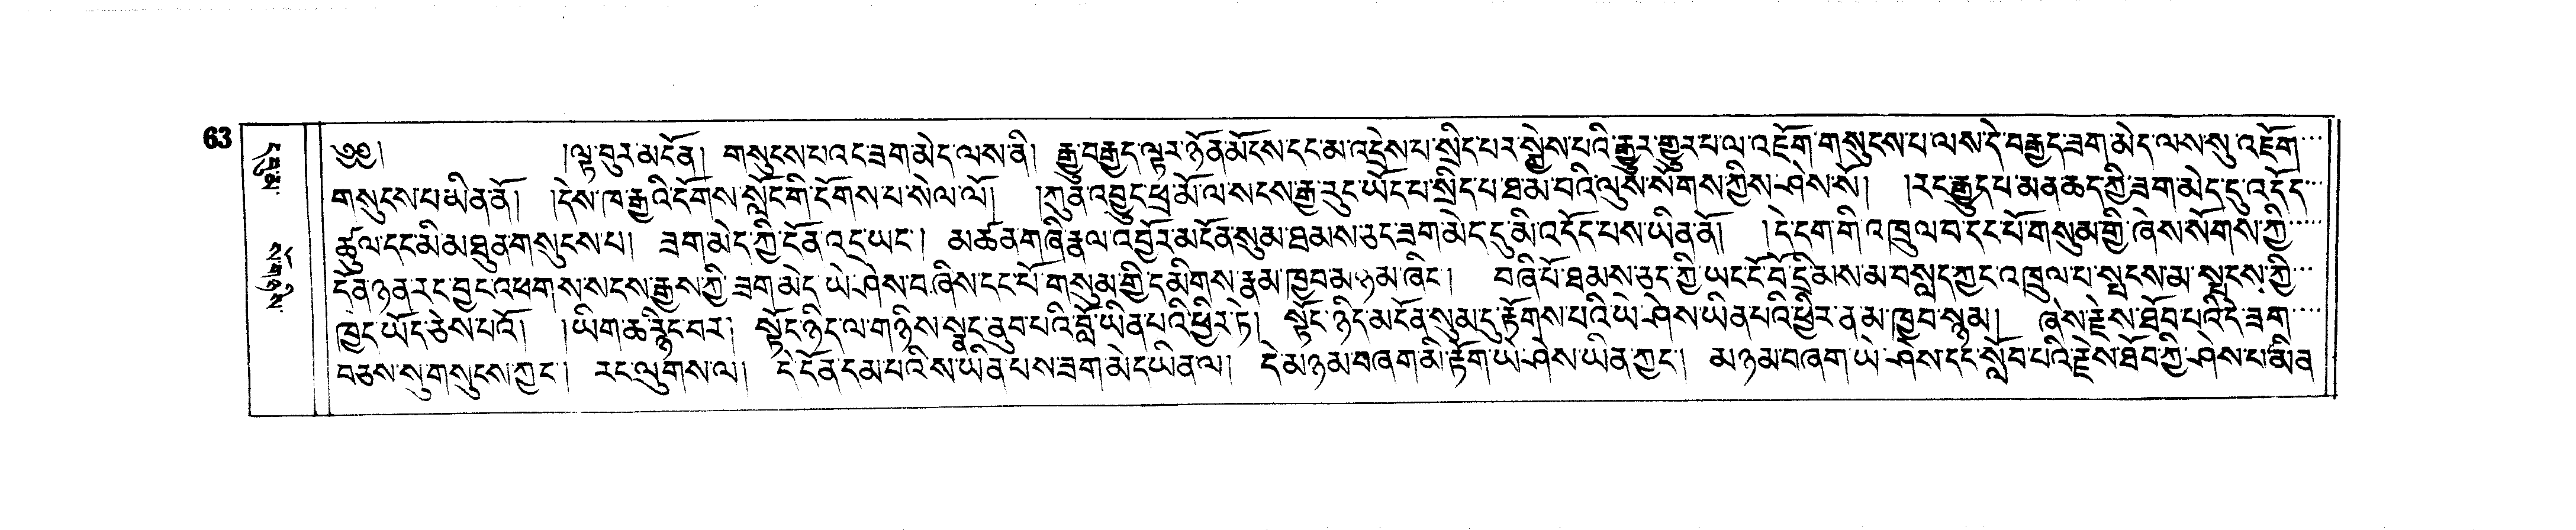༄༅། །ལྟ་བུར་མངོན། གསུངས་པའང་ཟག་མེད་ལས་ནི། རྒྱུ་བརྒྱད་ལྟར་ཉོན་མོངས་དང་མ་འདྲེས་པ་སྲིད་པར་སྐྱེས་པའི་རྒྱུར་གྱུར་པ་ལ་འཇོག་གསུངས་པ་ལས་དེ་བརྒྱད་ཟག་མེད་ལས་སུ་འཇོག་
གསུངས་པ་མིན་ནོ། །དེས་ཁ་རྒྱའི་དོགས་སློང་གི་དོགས་པ་སེལ་ལོ། །ཀུན་འབྱུང་ཕྲ་མོ་ལ་སངས་རྒྱ་རུང་ཡོད་པ་སྲིད་པ་ཐ་མ་བའི་ལུས་སོགས་ཀྱིས་ཤེས་སོ། །རང་རྒྱུད་པ་མན་ཆད་ཀྱི་ཟག་མེད་དུ་འདོད་
ཚུལ་དང་མི་མཐུན་གསུངས་པ། ཟག་མེད་ཀྱི་དོན་འདྲ་ཡང་། མཚན་གཞི་རྣལ་འབྱོར་མངོན་སུམ་ཐམས་ཅད་ཟག་མེད་དུ་མི་འདོད་པས་ཡིན་ནོ། །དེ་དག་གི་འཁྲུལ་བ་དང་པོ་གསུམ་གྱི་ཞེས་སོགས་ཀྱི་
དོན་ཉན་རང་བྱང་འཕགས་སངས་རྒྱས་ཀྱི་ཟག་མེད་ཡེ་ཤེས་བཞིས་དང་པོ་གསུམ་གྱི་དམིགས་རྣམ་ཁྱབ་མཉམ་ཞིང་། བཞི་པོ་ཐམས་ཅད་ཀྱི་ཡང་ངོ་བོ་དྲི་མས་མ་བསླད་ཀྱང་འཁྲུལ་པ་སྤངས་མ་སྤངས་ཀྱི་
ཁྱད་ཡོད་ཅེས་པའོ། །ཡིག་ཆ་རྙིང་བར། སྟོང་ཉིད་ལ་གཉིས་སྣང་ནུབ་པའི་བློ་ཡིན་པའི་ཕྱིར་ཏེ། སྟོང་ཉིད་མངོན་སུམ་དུ་རྟོགས་པའི་ཡེ་ཤེས་ཡིན་པའི་ཕྱིར་ན་མ་ཁྱབ་སྙམ། ཞེས་རྗེས་ཐོབ་པའི་དེ་ཟག་
བཅས་སུ་གསུངས་ཀྱང་། རང་ལུགས་ལ། དེ་དོན་དམ་པའི་ས་ཡིན་པས་ཟག་མེད་ཡིན་ལ། དེ་མཉམ་བཞག་མི་རྟོག་ཡེ་ཤེས་ཡིན་ཀྱང་། མཉམ་བཞག་ཡེ་ཤེས་དང་སློབ་པའི་རྗེས་ཐོབ་ཀྱི་ཤེས་པ་མིན་